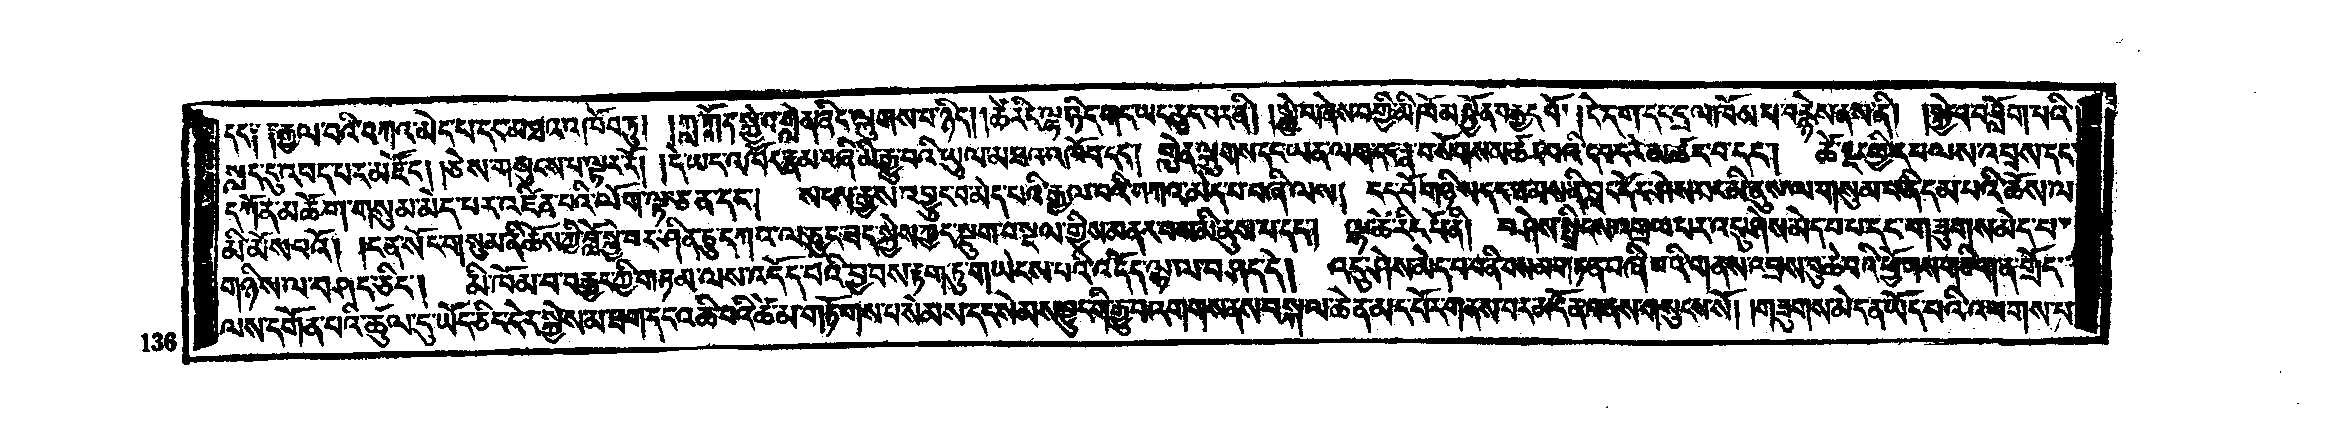དང༑ ༑རྒྱལ་བའི་བཀའ་མེད་པ་དང་མཐའ་འཁོབ་ཏུ། །ཀླ་ཀློར་སྐྱེ་བ་གླེན་ཞིང་ལྐུགས་པ་ཉིད། །ཚེ་རིང་ལྷ་ཉིད་གང་ཡང་རུང་བར་ནི། །སྐྱེ་བ་ཞེས་བགྱི་མི་ཁོམ་སྐྱོན་བརྒྱད་པོ། །དེ་དག་དང་བྲལ་ཁོམ་པ་བརྙེས་ནས་ནི། །སྐྱེ་བ་བཟློག་པའི་
སླད་དུ་འབད་པར་མཛོད། །ཅེས་གསུངས་པ་ལྟར་རོ། །དེ་ཡང་འཁོར་རྣམ་བཞི་མི་རྒྱུ་བའི་ཡུལ་མཐའ་འཁོབ་དང་། གླེན་ལྐུགས་དང་ཡན་ལག་དང་རྣ་བ་སོགས་མ་ཚང་བའི་དབང་པོ་མ་ཚང་བ་དང་། ཚེ་སྔ་ཕྱི་དང་ལས་འབྲས་དང་
དཀོན་མཆོག་གསུམ་མེད་པར་འཛིན་པའི་ལོག་ལྟ་ཅན་དང་། སངས་རྒྱས་འབྱུང་བ་མེད་པའི་རྒྱལ་བའི་བཀའ་མེད་པ་བཞི་ལས། དང་པོ་གཉིས་དང་ཐ་མས་ནི་བླང་དོར་ཤེས་པར་མི་ནུས་ལ་གསུམ་པ་ནི་དམ་པའི་ཆོས་ལ་
མི་མོས་པའོ། །ངན་སོང་གསུམ་ནི་ཆོས་ཀྱི་བློ་སྐྱེ་བར་ཤིན་ཏུ་དཀའ་ལ་ཅུང་ཟད་སྐྱེས་ཀྱང་སྡུག་བསྔལ་གྱིས་མནར་བས་མི་ནུས་པ་དང་། ལྷ་ཚེ་རིང་པོ་ནི། བཤེས་སྤྲིངས་འགྲེལ་པར་འདུ་ཤེས་མེད་པ་པ་དང་གཟུགས་མེད་པ་
གཉིས་ལ་བཤད་ཅིང་། མི་ཁོམ་པ་བརྒྱད་ཀྱི་གཏམ་ལས་འདོད་པའི་བྱ་བས་རྟག་ཏུ་གཡེངས་པའི་འདོད་ལྷ་ལ་བཤད་དེ། འདུ་ཤེས་མེད་པ་བ་ནི་བསམ་གཏན་བཞི་པའི་གནས་འབྲས་བུ་ཆེ་བའི་ཕྱོགས་གཅིག་ན་གྲོད་
ལས་དགོན་པའི་ཚུལ་དུ་ཡོད་ཅིང་དེར་སྐྱེས་མ་ཐག་དང་འཆི་བའི་ཚེ་མ་གཏོགས་པ་སེམས་དང་སེམས་བྱུང་གི་རྒྱུ་བ་འགགས་ནས་བསྐལ་ཆེན་མང་པོར་གནས་པར་མངོན་པ་ནས་གསུངས་སོ། །གཟུགས་མེད་ན་ཡོད་པའི་འཕགས་པ་